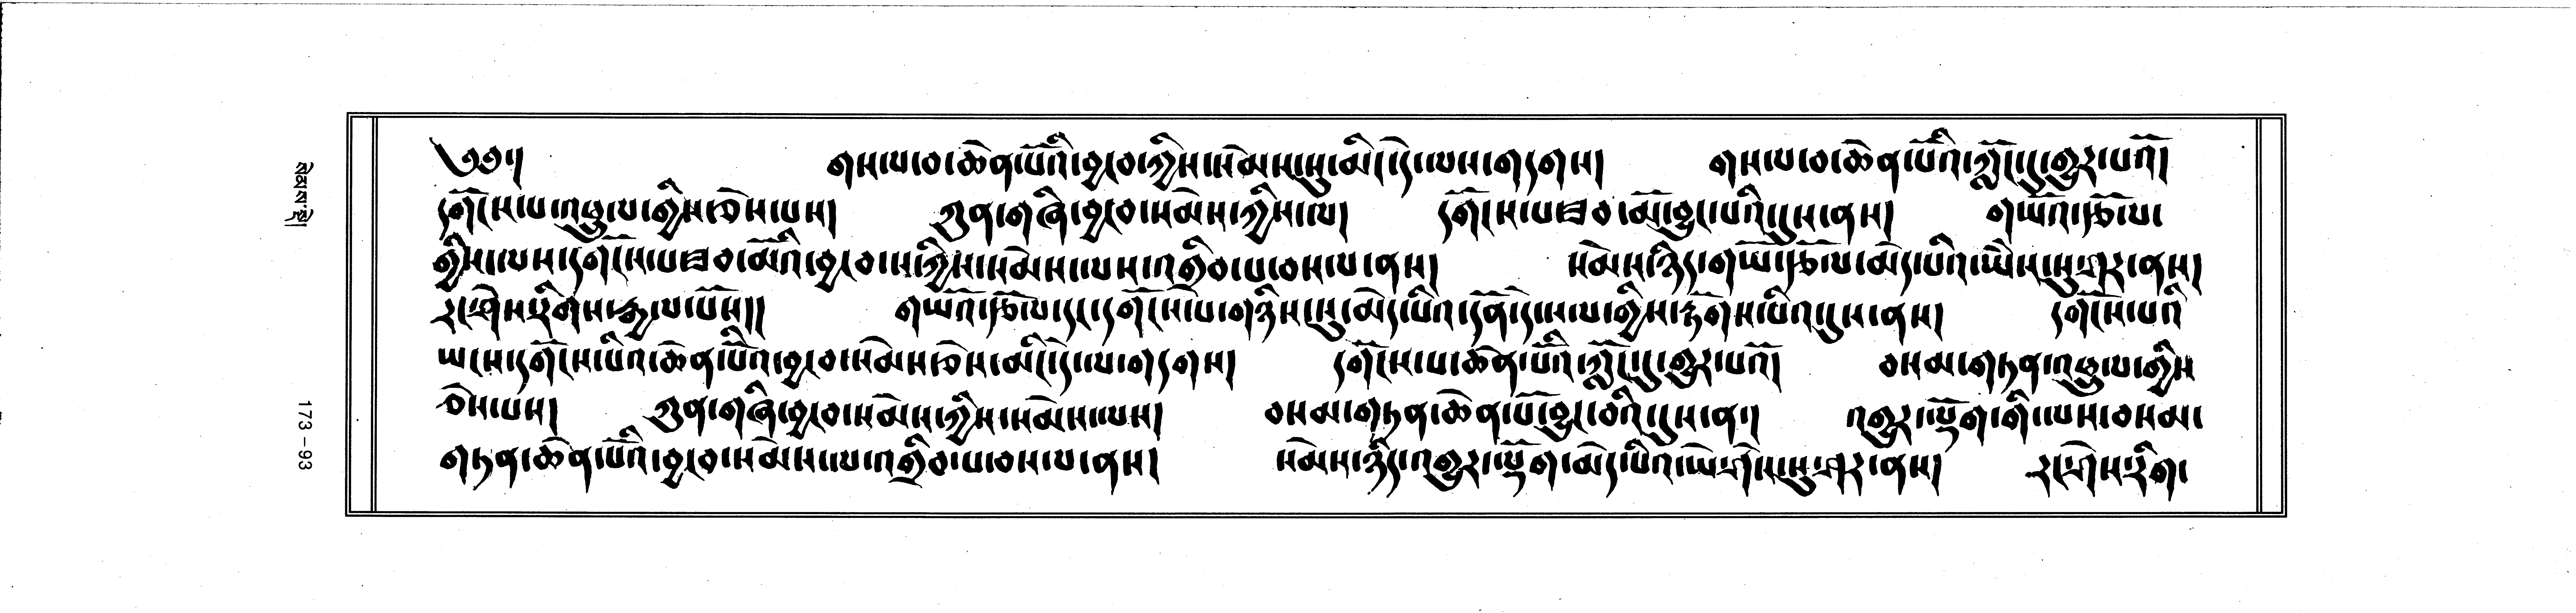བ་ཆེན་པོའི་བྱང་ཆུབ་ཀྱི་སེམས་སུ་མིང་དེ་ལས་གདགས། གསལ་བ་ཆེན་པོའི་ཀློང་དུ་གྱུར་པའོ། 
དགོངས་པ་འཕྲུལ་གྱིས་ཅེས་པས། ཀུན་གཞི་བྱང་ཆུབ་སེམས་ཀྱིས་ལ། དགོངས་པ་ཟབ་མོ་བྱུང་བའི་དུས་ན། གཡོ་རྩོལ་
གྱི་ལས་དགོངས་པ་ཟབ་མོའི་བྱང་ཆུབ་སེམས་ལས་འགྲིབ་པ་བསལ་ནས། སེམས་ཉིད་གཡོ་རྩོལ་མེད་པའི་ཡེ་ཤེས་སུ་ཤར་ནས། 
རང་ཤེས་རིག་རྒྱལ་པོས། གཡོ་རྩོལ་དང་དགོངས་པ་གཉིས་སུ་མེད་པའི་དོན་དེ་སལ་གྱིས་རྟོགས་པའི་དུས་ནས། དགོངས་པའི་
ཡངས་དགོངས་པའི་ཆེན་པོ་བྱང་ཆུབ་སེམས་ཅེས་མིང་དེ་ལ་གདགས། དགོངས་པ་ཆེན་པོའི་ཀློང་དུ་གྱུར་པའོ། བསམ་གཏན་འཕྲུལ་གྱིས་
ཅེས་པས། ཀུན་གཞི་བྱང་ཆུབ་སེམས་ཀྱི་སེམས་ལས། བསམ་གཏན་ཆེན་པོ་བྱུང་བའི་དུས་ན། འགྱུར་ལྡོག་གི་ལས་བསམ་
གཏན་ཆེན་པོའི་བྱང་ཆུབ་སེམས་ལས་འགྲིབ་པ་བསལ་ནས། སེམས་ཉིད་འགྱུར་ལྡོག་མེད་པའི་ཡེ་ཤེས་སུ་ཤར་ནས། རང་ཤེས་རིག་